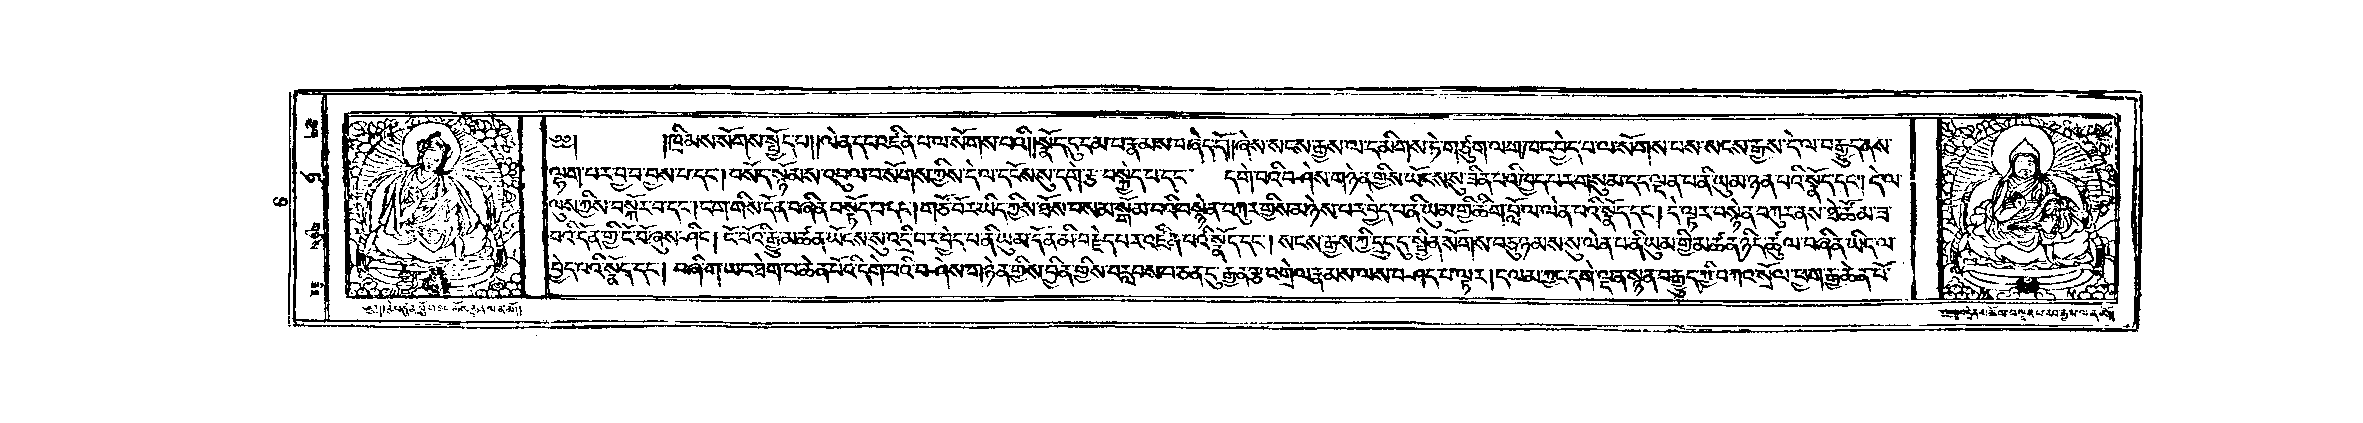༄༅། །ཁྲིམས་སོགས་སྤྱོད་པ། །ལེན་དང་འཛིན་པ་ལ་སོགས་པའི། །སྣོད་དུ་དམ་པ་རྣམས་བཞེད་དོ། །ཞེས་སངས་རྒྱས་ལ་དམིགས་ཏེ་གཙུག་ལག་ཁང་བྱེད་པ་ལ་སོགས་པས་སངས་རྒྱས་དེ་ལ་བརྒྱུད་ནས་
ལྷག་པར་བྱ་བ་བྱས་པ་དང་། བསོད་སྙོམས་འབུལ་བ་སོགས་ཀྱིས་དེ་ལ་དངོས་སུ་དགེ་རྩ་བསྐྱེད་པ་དང་དགེ་བའི་བཤེས་གཉེན་གྱིས་ཡོངས་སུ་ཟིན་པའི་ཁྱད་པར་གསུམ་དང་ལྡན་པ་ནི་ཡུམ་ཉན་པའི་སྣོད་དང་། དེ་ལ་
ལུས་ཀྱིས་བསྐོར་བ་དང་། ངག་གིས་དོན་བཞིན་བསྟོད་པ་དང་། གཙོ་བོར་ཡིད་ཀྱིས་ཐོས་བསམ་སྒོམ་པའི་བསྙེན་བཀུར་གྱིས་མཉེས་པར་བྱེད་པ་ནི་ཡུམ་གྱི་ཚིག་བློ་ལ་ལེན་པའི་སྣོད་དང་། དེ་ལྟར་བསྙེན་བཀུར་ནས་ཐེ་ཚོམ་ཟ་
བའི་དོན་གྱི་ངོ་བོ་ཞུས་ཤིང་། ངོ་བོའི་རྒྱུ་མཚན་ཡོངས་སུ་འདྲི་བར་བྱེད་པ་ནི་ཡུམ་དོན་མི་བརྗེད་པར་འཛིན་པའི་སྣོད་དང་། སངས་རྒྱས་ཀྱི་དྲུང་དུ་སྦྱིན་སོགས་བཅུ་ཉམས་སུ་ལེན་པ་ནི་ཡུམ་གྱི་མཚན་ཉིད་ཚུལ་བཞིན་ཡིད་ལ་
བྱེད་པའི་སྣོད་དང་། བཞི་ག་ཡང་ཐེག་པ་ཆེན་པོའི་དགེ་བའི་བཤེས་གཉེན་གྱིས་བྱིན་གྱིས་བརླབས་པ་ཅན་དུ་རྒྱན་རྩ་འགྲེལ་རྣམས་ལས་བཤད་པ་ལྟར། ད་ལམ་ཀྱང་དགེ་ལྡན་སྙན་བརྒྱུད་ཀྱི་བཀའ་སྲོལ་ཕྱག་རྒྱ་ཆེན་པོ་